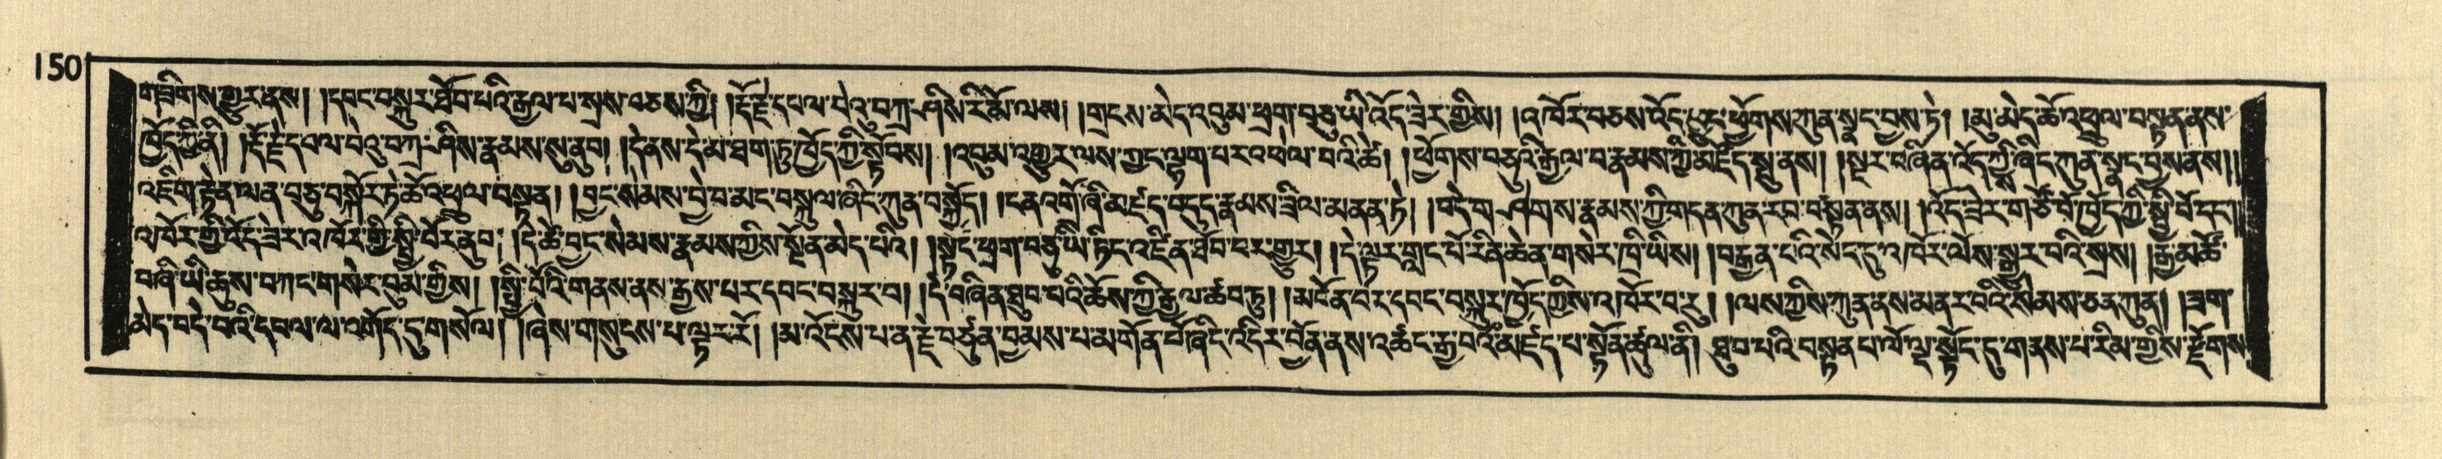གཟིགས་གྱུར་ནས། །དབང་བསྐུར་ཐོབ་པའི་རྒྱལ་པ་སྲས་བཅས་ཀྱི། །རྡོ་རྗེ་དཔལ་བེའུ་བཀྲ་ཤིས་རི་མོ་ལས། །གྲངས་མེད་འབུམ་ཕྲག་བཅུ་ཡི་འོད་ཟེར་གྱིས། །འཁོར་བཅས་འོད་ཕྱུང་ཕྱོགས་ཀུན་སྣང་བྱས་ཏེ། །མུ་མེད་ཆོ་འཕྲུལ་བསྟན་ནས་
ཁྱོད་ཀྱི་ནི། །རྡོ་རྗེ་དཔལ་བེའུ་བཀྲ་ཤིས་རྣམས་སུ་ནུབ། །དེ་ནས་དེ་མ་ཐག་ཏུ་ཁྱོད་ཀྱི་སྟོབས། །འབུམ་འགྱུར་ལས་ཀྱང་ལྷག་པར་འཕེལ་བའི་ཚེ། །ཕྱོགས་བཅུའི་རྒྱལ་བ་རྣམས་ཀྱི་མཛོད་སྤུ་ནས། །སྔར་བཞིན་འོད་ཀྱིས་ཞིང་ཀུན་སྣང་བྱས་ནས།།
འཇིག་རྟེན་ལན་བཅུ་བསྐོར་ཏེ་ཆོ་འཕྲུལ་བསྟན། །བྱང་སེམས་བྱེ་བ་མང་བསྐུལ་ཞིང་ཀུན་བསྐྱོད། །ངན་འགྲོ་ཞི་མཛད་བདུད་རྣམས་ཟིལ་མནན་ཏེ། །བདེ་གཤེགས་རྣམས་ཀྱི་གདན་ཀུན་རབ་བསྟན་ནས། །འོད་ཟེར་གཙོ་བོ་ཁྱོད་ཀྱི་སྤྱི་བོ་དང།།
འཁོར་གྱི་འོད་ཟེར་འཁོར་གྱི་སྤྱི་བོར་ནུབ། །དེ་ཚེ་བྱང་སེམས་རྣམས་ཀྱིས་སྔོན་མེད་པའི། །སྟོང་ཕྲག་བཅུ་ཡི་ཏིང་འཛིན་ཐོབ་བར་གྱུར། །དེ་ལྟར་གླང་པོ་རིན་ཆེན་གསེར་ཁྲི་ཡིས། །བརྒྱན་པའི་སེང་དུ་འཁོར་ལོས་སྒྱུར་བའི་སྲས། །རྒྱ་མཚོ་
བཞི་ཡི་ཆུས་བཀང་གསེར་བུམ་གྱིས། །སྤྱི་བོའི་གནས་ནས་རྒྱས་པར་དབང་བསྐུར་བ། །དེ་བཞིན་ཐུབ་པའི་ཆོས་ཀྱི་རྒྱལ་ཚབ་ཏུ། །མངོན་བར་དབང་བསྐུར་ཁྱོད་ཀྱིས་འཁོར་བ་རུ། །ལས་ཀྱིས་ཀུན་ནས་མནར་བའི་སེམས་ཅན་ཀུན། །ཟག་
མེད་བདེ་བའི་དབལ་ལ་འགོད་དུ་གསོལ། །ཞེས་གསུངས་པ་ལྟར་རོ། །མ་འོངས་པ་ན་རྗེ་བཙུན་བྱམས་པ་མགོན་པོ་ཞིང་འདིར་བྱོན་ནས་འཚང་རྒྱ་བའི་མཛད་པ་སྟོན་ཚུལ་ནི། ཐུབ་པའི་བསྟན་པ་ལོ་ལྔ་སྟོང་དུ་གནས་པ་རིམ་གྱིས་རྫོགས་